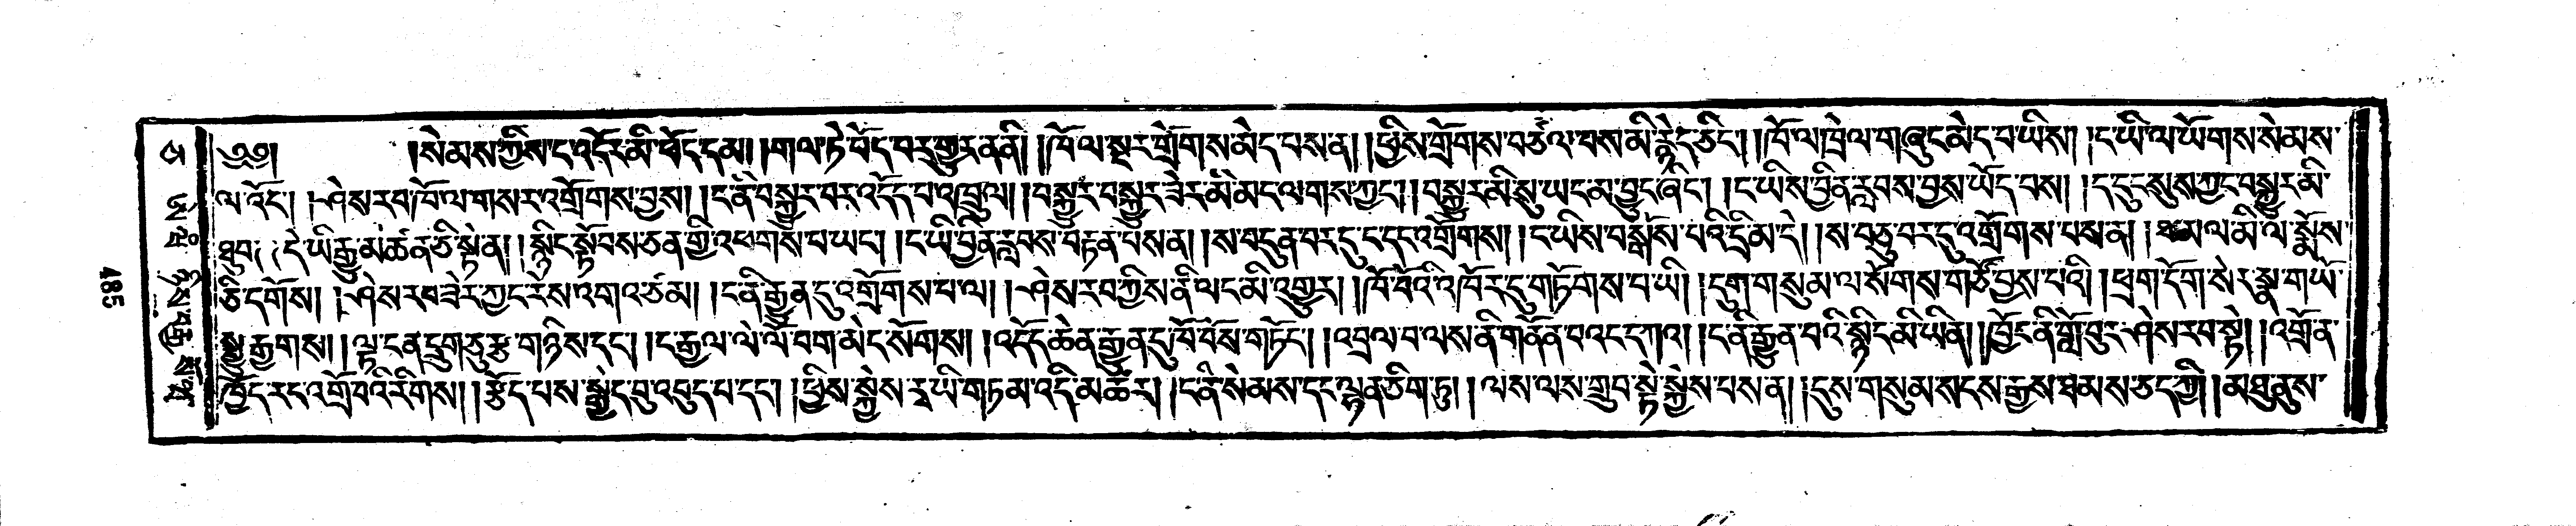༄༅། །སེམས་ཀྱིས་ང་འདོར་མི་ཕོད་དམ། །གལ་ཏེ་ཕོད་པར་གྱུར་ན་ནི། །ཁོ་ལ་སྔར་གྲོགས་མེད་པས་ན། །ཕྱིས་གྲོགས་བཙལ་བས་མི་རྙེད་ཅིང་། །ཁོ་ལ་ཁྲེལ་གཞུང་མེད་པ་ཡིས། །ངོ་ཡི་ལ་ཡོགས་སེམས་
ལ་འོང་། །ཤེས་རབ་ཁོ་ལ་གསར་འགྲོགས་བྱས། །ང་ནི་བསྐྱུར་བར་འདོད་པ་འཁྲུལ། །བསྐྱུར་བསྐྱུར་ཟེར་མི་མང་ལགས་ཀྱང་། །བསྐྱུར་མི་སུ་ཡང་མ་བྱུང་ཞིང་། །ང་ཡིས་བྱིན་རླབས་བྱས་ཡོད་པས། །ད་དུང་སུས་ཀྱང་བསྐྱུར་མི་
ཐུབ༑ ༑དེ་ཡི་རྒྱུ་མཚན་ཅི་སྟེ་ན། །སྙིང་སྟོབས་ཅན་གྱི་འཕགས་པ་ཡང་། །ང་ཡི་བྱིན་རླབས་བརྟན་པས་ན། །ས་བདུན་བར་ང་དང་འགྲོགས། །ང་ཡིས་བསྒོས་པའི་དྲི་མ་དེ། །ས་བཅུ་བར་དུ་འགྲོགས་པས་ན། །ཐ་མལ་མི་ལ་སྨོས་
ཅི་དགོས། །ཤེས་རབ་ཟེར་ཀྱང་རེས་འགའ་ཙམ། །ང་ནི་རྒྱུན་དུ་འགྲོགས་པ་ལ། །ཤེས་རབ་ཀྱིས་ནི་ལང་མི་འགྱུར། །ཁོ་བོའི་འཁོར་དུ་གཏོགས་པ་ཡི། །དུས་གསུམ་ལ་སོགས་གཙོ་བྱས་པའི། །ཕྲག་དོག་སེར་སྣ་གཡོ་
སྒྱུ་རྒྱགས། །ལྟ་ངན་དྲུག་ཅུ་རྩ་གཉིས་དང་། །ང་རྒྱལ་ལེ་ལོ་བག་མེད་སོགས། །འདོད་ཆེན་རྒྱུན་དུ་ཁོ་བོས་གཏོང་། །འབྲལ་བ་ལས་ནི་གནོན་པའང་དཀའ། །ང་ནི་རྒྱུན་པའི་སྙིང་མི་ཡིན། །ཁྱོད་ནི་གློ་བུར་ཤེས་རབ་སྟེ། །འགྲོ་ན་
ཁྱོད་རང་འགྲོ་བའི་རིགས། །རྩོད་པས་སྒྱེད་བུ་འབུད་པ་དང་། །ཕྱིས་སྐྱེས་རྭ་ཡི་གཏམ་འདི་མཚར། །ང་ནི་སེམས་དང་ལྷན་ཅིག་ཏུ། །ལས་ལས་གྲུབ་སྟེ་སྐྱེས་པས་ན། །དུས་གསུམ་སངས་རྒྱས་ཐམས་ཅད་ཀྱི། །མཐུ་ནུས་